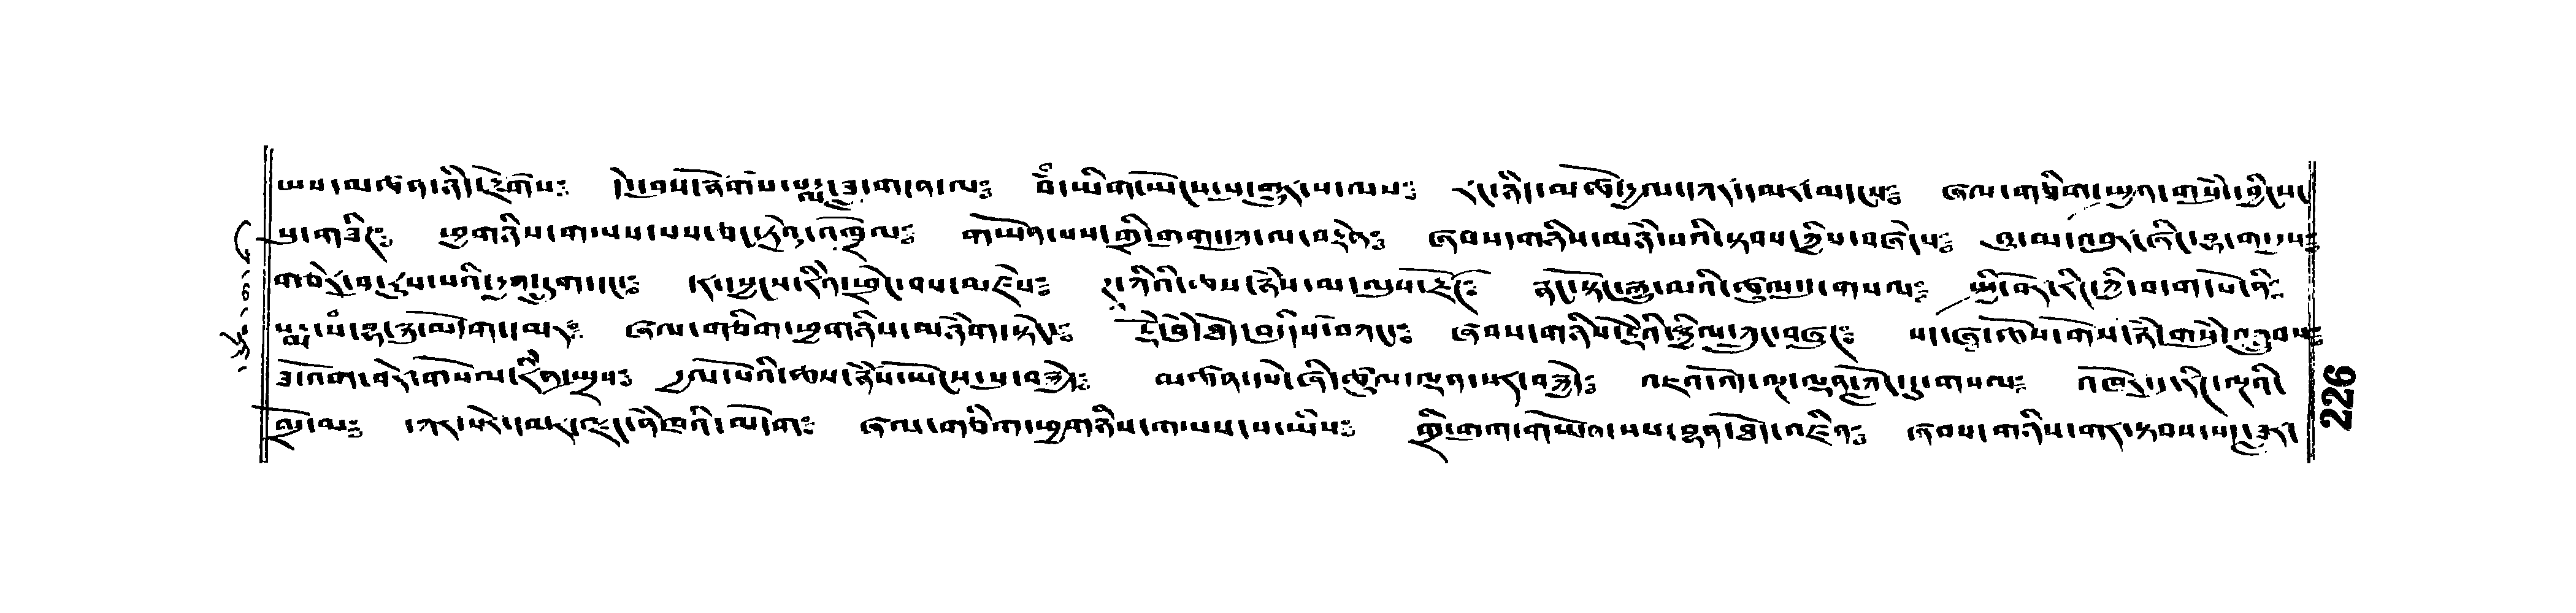ཡས་མཚན་ཉིད་རྫོགས༔ དེ་དབུས་སྣ་ཚོགས་པདྨ་ཟླ་གདན་ལ༔ བྃ་ཡིག་ཡོངས་སུ་གྱུར་པ་ལས༔ རང་ཉིད་མཚོ་རྒྱལ་དཀར་དམར་མདངས༔ ཞལ་གཅིག་སྤྱན་གསུམ་དབྱིངས་
སུ་གཟིགས༔ ཕྱག་གཉིས་གཡས་པས་ཅང་ཏེའུ་འཁྲོལ༔ གཡོན་པས་གྲི་གུག་དཀུ་ལ་བརྟེན༔ ཞབས་གཉིས་མཉམ་པའི་སྟབས་ཀྱིས་བཞེངས༔ ནུ་མ་འབུར་ཞིང་བྷ་ག་རྒྱས༔ 
གཅེར་བུ་རུས་པའི་རྒྱན་དྲུག་དང༔ དར་དཔྱངས་རིན་ཆེན་ཕྲེང་བས་མཛེས༔ ཌཱ་ཀིའི་ཆས་རྣམས་མ་ལུས་རྫོགས༔ སྣང་སྟོང་སྒྱུ་མའི་ཚུལ་དུ་གསལ༔ སྤྱི་བོར་རིགས་ཀྱི་བདག་པོ་ནི༔ 
པདྨ་སཾ་བྷ་སྐུ་མདོག་དམར༔ ཞལ་གཅིག་ཕྱག་གཉིས་མཉམ་བདག་སྟེང༔ རྡོ་རྗེ་ཐམས་ཅད་བདུད་རྩིས་བཀང༔ ཞབས་གཉིས་རྡོ་རྗེའི་སྐྱིལ་ཀྲུང་བཞུགས༔ པད་ཞྭ་ཆོས་གོས་རྣམ་གསུམ་བཀླུབས༔ 
ཟ་འོག་བེར་གསོལ་རིན་ཆེན་སྤྲས༔ རྒྱལ་པོའི་ཆས་རྣམས་ཡོངས་སུ་བསྐྱེད༔ མཚན་དཔེ་ཞི་ཚུལ་ལྡན་པར་བསྐྱེད༔ འཇའ་འོད་ལྔ་ལྡན་ཀློང་དུ་གསལ༔ འཁོར་དུ་རིགས་ལྔའི་
མཁའ་འགྲོ་མ༔ དཀར་སེར་དམར་ལྗང་ནམ་མཁའི་མདོག༔ ཞལ་གཅིག་ཕྱག་གཉིས་གཡས་པ་ཡིས༔ གྲི་གུག་གཡོན་པས་བྷན་ཐོད་འཛིན༔ ཞབས་གཉིས་གར་སྟབས་པད་ཟླར་